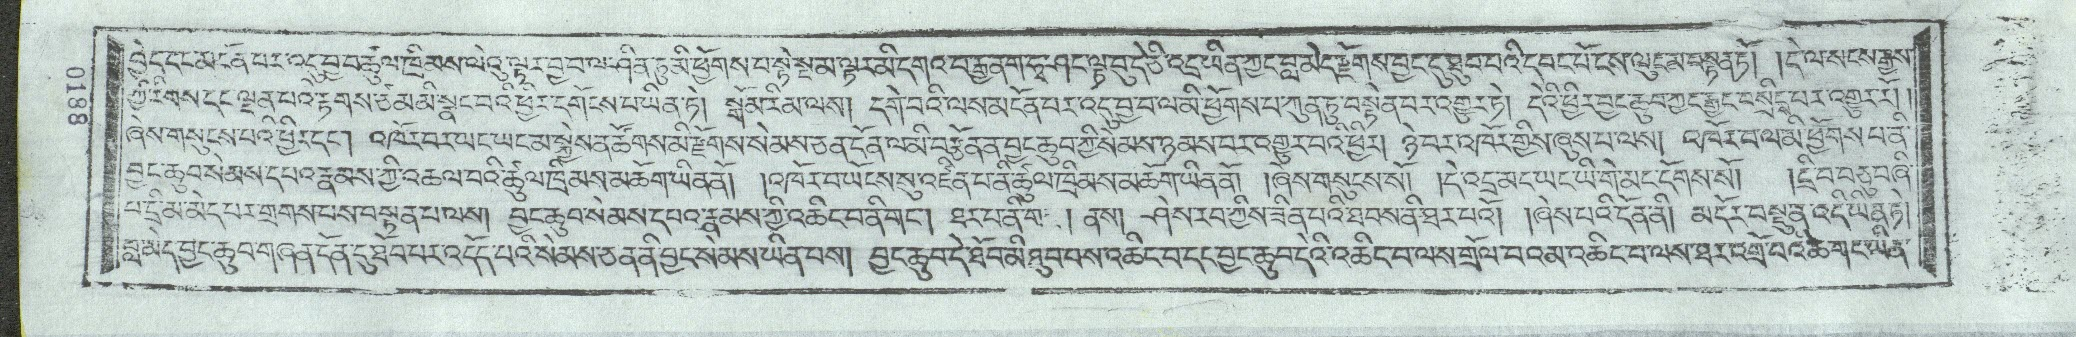བྱེད་དང་མངོན་པར་འདུ་བྱ་བ་ཚུལ་ཁྲིམས་ལེའུ་ལྟར་བྱ་བ་ལ་ཤིན་ཏུ་མི་ཕྱོགས་པ་སྟེ་སྔ་མ་ལྟར་མི་དགའ་བ་རྒྱ་ནག་ཧྭ་ཤང་ལྟ་བུ་དེ་ཅི་འདྲ་ཡིན་ཀྱང་བླ་མེད་རྫོགས་བྱང་དུ་ཐུབ་པའི་དབང་པོ་ངས་ལུང་མ་བསྟན་ཏོ། །དེ་ལ་སངས་རྒྱས་
ཀྱི་རིགས་དང་ལྡན་བའི་རྟགས་ཙམ་མི་སྣང་བའི་ཕྱིར་དགོངས་པ་ཡིན་ཏེ། སྒོམ་རིམ་ལས། དགེ་བའི་ལས་མངོན་པར་འདུ་བྱ་བ་ལ་མི་ཕྱོགས་པ་ཀུན་ཏུ་བསྟེན་པར་འགྱུར་ཏེ། དེའི་ཕྱིར་བྱང་ཆུབ་ཀྱང་རྒྱང་བསྲིངས་པར་འགྱུར་རོ།།
ཞེས་གསུངས་པའི་ཕྱིར་དང་། འཁོར་བར་ཡང་ཡང་མ་སྐྱེས་ན་ཚོགས་མི་རྫོགས་སེམས་ཅན་དོན་ལ་མི་བརྩོན་ན་བྱང་ཆུབ་ཀྱི་སེམས་ཉམས་པར་འགྱུར་བའི་ཕྱིར། ཉེ་བར་འཁོར་གྱིས་ཞུས་པ་ལས། འཁོར་བ་ལ་མི་ཕྱོགས་པ་ནི་
བྱང་ཆུབ་སེམས་དཔའ་རྣམས་ཀྱི་འཆལ་བའི་ཚུལ་ཁྲིམས་མཆོག་ཡིན་ནོ། །འཁོར་བ་ཡོངས་སུ་འཛིན་པ་ནི་ཚུལ་ཁྲིམས་མཆོག་ཡིན་ནོ། །ཞེས་གསུངས་སོ། །དེ་འདྲ་མང་ཡང་ཡི་གེ་མང་དོགས་སོ། །དྲི་བ་བཅུ་བཞི་
པ་དྲི་མ་མེད་པར་གྲགས་པས་བསྟན་པ་ལས། བྱང་ཆུབ་སེམས་དཔའ་རྣམས་ཀྱི་འཆིང་བ་ནི་གང་། ཐར་པ་ནི་ག །ནས། ཤེས་རབ་ཀྱིས་ཟིན་པའི་ཐབས་ནི་ཐར་པའོ། །ཞེས་པའི་དོན་ནི། མདོར་བསྡུ་ན་འདི་ཡིན་ཏེ།
བླ་མེད་བྱང་ཆུབ་གཞན་དོན་དུ་ཐོབ་པར་འདོད་པའི་སེམས་ཅན་ནི་བྱང་སེམས་ཡིན་པས། བྱང་ཆུབ་དེ་ཐོབ་མི་ཐུབ་པས་འཆིང་བ་དང་བྱང་ཆུབ་དེའི་འཆིང་བ་ལས་གྲོལ་བའམ་འཆིང་བ་ལས་ཐར་འགྲོ་བའི་ཆ་གང་ཡིན་